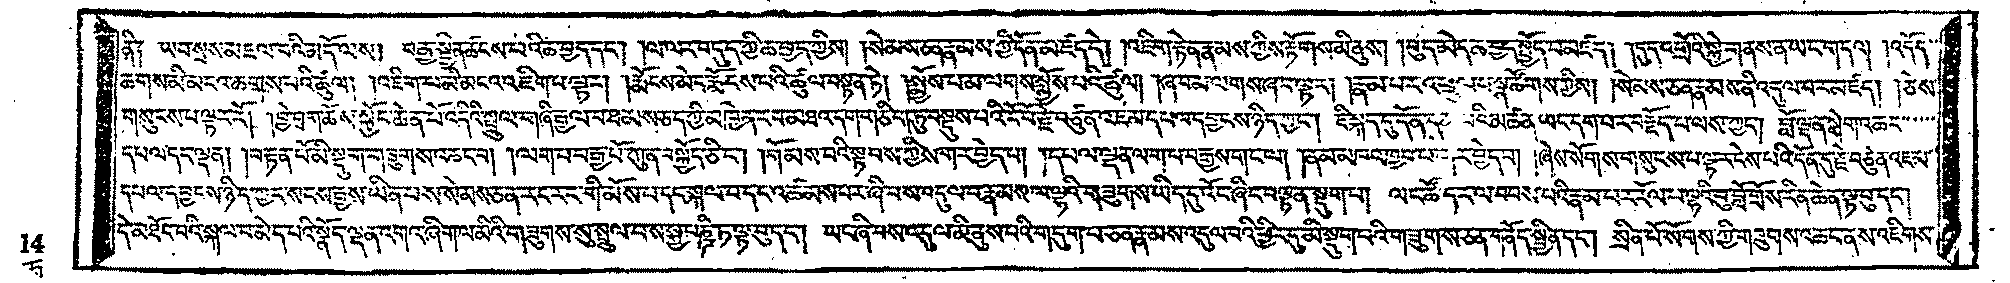ནི༑ ཡབ་སྲས་མཇལ་བའི་མདོ་ལས། བརྒྱ་སྦྱིན་ཚངས་པའི་ཆ་བྱད་དང་། །ལ་ལར་བདུད་ཀྱི་ཆ་བྱད་ཀྱིས། །སེམས་ཅན་རྣམས་ཀྱི་དོན་མཛད་དེ། །འཇིག་རྟེན་རྣམས་ཀྱིས་རྟོགས་མི་ནུས། །བུད་མེད་ཆ་བྱད་སྤྤྱོད་པ་མཛད། །དུད་འགྲོའི་སྐྱེ་གནས་ན་ཡང་གདའ། །འདོད་
ཆགས་མི་མངའ་ཆགས་པའི་ཚུལ། །འཇིག་པ་མི་མངའ་འཇིག་པ་ལྟར། །རྨོངས་མེད་རྨོངས་པའི་ཚུལ་བསྟན་ཏེ། །སྨྱོས་པ་མ་ལགས་སྨྱོས་པའི་ཚུལ། །ཞ་བ་མ་ལགས་ཞ་བ་ལྟར། །རྣམ་པར་འཕྲུལ་པ་སྣ་ཚོགས་ཀྱིས། །སེམས་ཅན་རྣམས་ནི་འདུལ་བར་མཛད། །ཅེས་
གསུངས་པ་ལྟར་རོ། །བྱེ་བྲག་ཆོས་སྐྱོང་ཆེན་པོ་འདིའི་སྤྲུལ་གཞི་རྒྱལ་བ་ཐམས་ཅད་ཀྱི་མཁྱེན་རབ་མཐའ་དག་གཅིག་ཏུ་བསྡུས་པའི་ངོ་བོ་རྗེ་བཙུན་འཇམ་དཔལ་དབྱངས་ཉིད་ཀྱང་། ཇི་སྐད་དུ་དོན་དམ་པའི་མཚན་ཡང་དག་པར་བརྗོད་པ་ལས་ཀྱང་། བློ་ལྡན་སྒེག་འཆང་
དཔལ་དང་ལྡན། །བརྟན་པོ་མི་སྡུག་གཟུགས་འཆང་བ། །ལག་པ་བརྒྱ་པོ་ཀུན་བསྐྱོད་ཅིང་། །གོམས་པའི་སྟབས་ཀྱིས་གར་བྱེད་པ། །དཔལ་ལྡན་ལག་པ་བརྒྱས་གང་ལ། །ནམ་མཁའ་ཁྱབ་པ་གར་བྱེད་པ། །ཞེས་སོགས་གསུངས་པ་ལྟར་ངེས་པའི་དོན་དུ་རྗེ་བཙུན་འཇམ་
དཔལ་དབྱངས་ཉིད་ཀྱང་སངས་རྒྱས་ཡིན་པས་སེམས་ཅན་རང་རང་གི་མོས་པ་དང་སྐལ་བ་དང་འཚམས་པར་ཞི་བས་འདུལ་བ་རྣམས་ལ་ལྷའི་གཟུགས་ཡིད་དུ་འོང་ཞིང་བལྟ་ན་སྡུག་པ། ལང་ཚོ་དར་ལ་བབས་པའི་རྣམ་པར་རོལ་པ་ལྷའི་བུ་བློ་གྲོས་རིན་ཆེན་ལྟ་བུ་དང་།
དེ་མཐོང་བའི་སྐལ་བ་མེད་པའི་སྣོད་ལྡན་འགའ་ཞིག་ལ་མིའི་གཟུགས་སུ་སྤྲུལ་པས་ས་སྐླྱ་པཎྚི་ཏ་ལྟ་བུ་དང་། ཡང་ཞི་བས་འདུལ་མི་ནུས་པའི་གདུགས་པ་ཅན་རྣམས་འདུལ་བའི་ཕྱིར་དུ་མི་སྡུག་པའི་གཟུགས་ཅན་གནོད་སྦྱིན་དང་། སྲིན་པོ་སོགས་ཀྱི་གཟུགས་འཆང་ནས་འཇིགས་